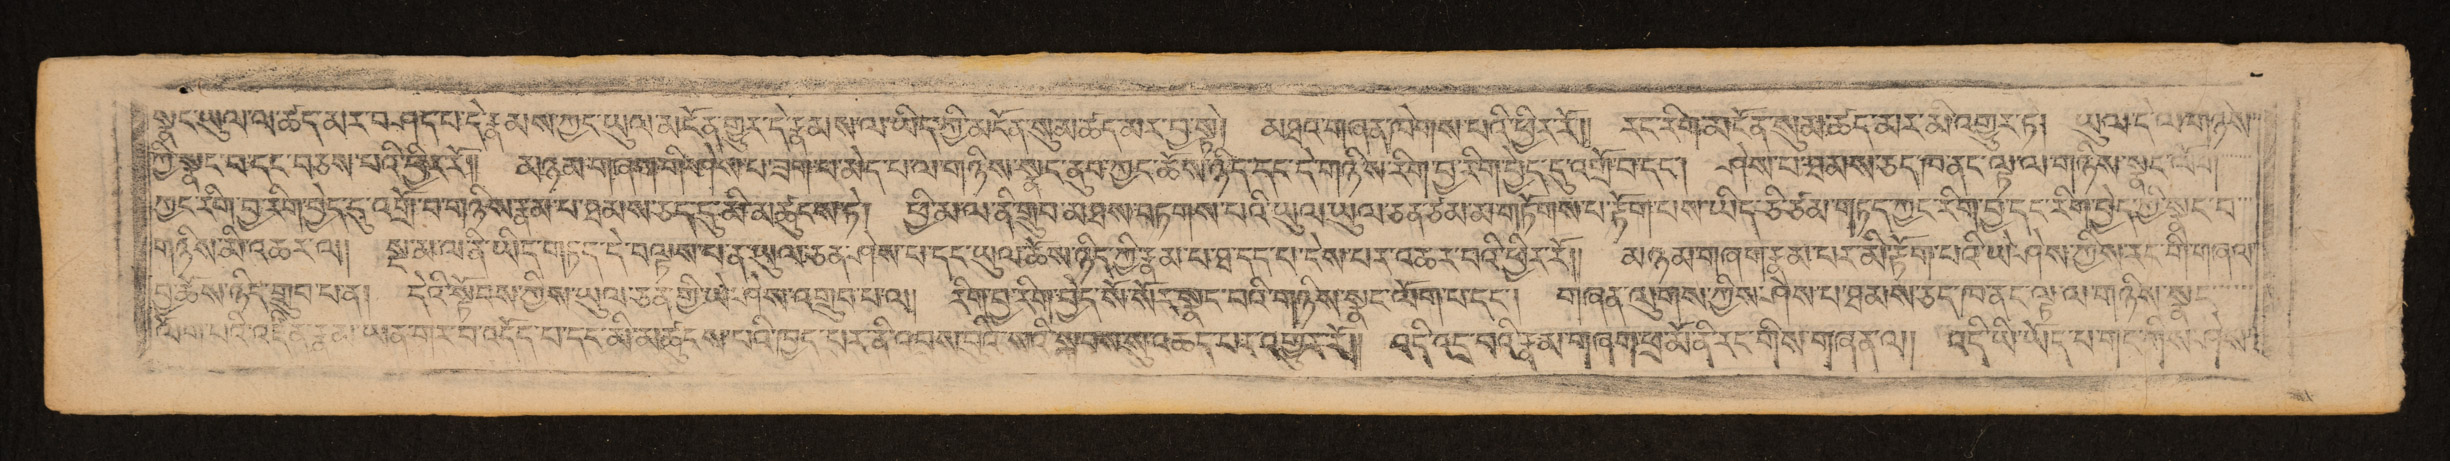སྣང་ཡུལ་ལ་ཚད་མར་བཤད་པ་དེ་རྣམས་ཀྱང་ཡུལ་མངོན་གྱུར་དེ་རྣམས་ལ་ཡིད་ཀྱི་མངོན་སུམ་ཚད་མར་བྱ་སྟེ། མཐའ་གཞན་ཁེགས་པའི་ཕྱིར་རོ།། རང་རིག་མངོན་སུམ་ཚད་མར་མི་འགྱུར་ཏེ། ཡུལ་དེ་ལ་གཉིས་
ཀྱི་སྣང་བ་དང་བཅས་པའི་ཕྱིར་རོ།། མཉམ་གཞག་གི་ཤེས་པ་ཟག་པ་མེད་པ་ལ་གཉིས་སྣང་ནུབ་ཀྱང་ཆོས་ཉིད་དང་དེ་གཉིས་རིག་བྱ་རིག་བྱེད་དུ་འགྲོ་བ་དང་། ཤེས་པ་ཐམས་ཅད་ཁ་ནང་ལྟ་ལ་གཉིས་སྣང་ལོག་
ཀྱང་རིག་བྱ་རིག་བྱེད་དུ་འགྲོ་བ་གཉིས་རྣམ་པ་ཐམས་ཅད་དུ་མི་མཚུངས་ཏེ། ཕྱི་མ་ལ་ནི་གྲུབ་མཐས་བཏགས་པའི་ཡུལ་ཡུལ་ཅན་ཙམ་མ་གཏོགས་པ་རྟོག་པས་ཡིད་ཅི་ཙམ་གཏད་ཀྱང་རིག་བྱ་དང་རིག་བྱེད་ཀྱི་སྣང་བ་
གཉིས་མི་འཆར་ལ། སྔ་མ་ལ་ནི་ཡིད་གཏད་དེ་བལྟས་པ་ན་ཡུལ་ཅན་ཤེས་པ་དང་ཡུལ་ཆོས་ཉིད་ཀྱི་རྣམ་པ་ཐ་དད་པ་ངེས་པར་འཆར་བའི་ཕྱིར་རོ།། མཉམ་གཞག་རྣམ་པར་མི་རྟོག་པའི་ཡེ་ཤེས་ཀྱིས་རང་གི་གཞལ་
བྱ་ཆོས་ཉིད་གྲུབ་པ་ན། དེའི་སྟོབས་ཀྱིས་ཡུལ་ཅན་གྱི་ཡེ་ཤེས་འགྲུབ་པ་ལ། རིག་བྱ་རིག་བྱེད་སོ་སོར་སྣང་བའི་གཉིས་སྣང་ལོག་པ་དང་། གཞན་ལུགས་ཀྱིས་ཤེས་པ་ཐམས་ཅད་ཁ་ནང་ལྟ་ལ་གཉིས་སྣང་
ལོག་པའི་འཛིན་རྣམ་ཡན་གར་བ་འདོད་པ་དང་མི་མཚུངས་པའི་ཁྱད་པར་ནི་འབྲས་བུའི་སའི་སྐབས་སུ་འཆད་པར་འགྱུར་རོ།། འདི་འདྲ་བའི་རྣམ་གཞག་ཕྲ་མོ་ནི་རང་གིས་གཞན་ལ། འདི་ཡི་ཡོད་པ་གང་གིས་ཤེས་